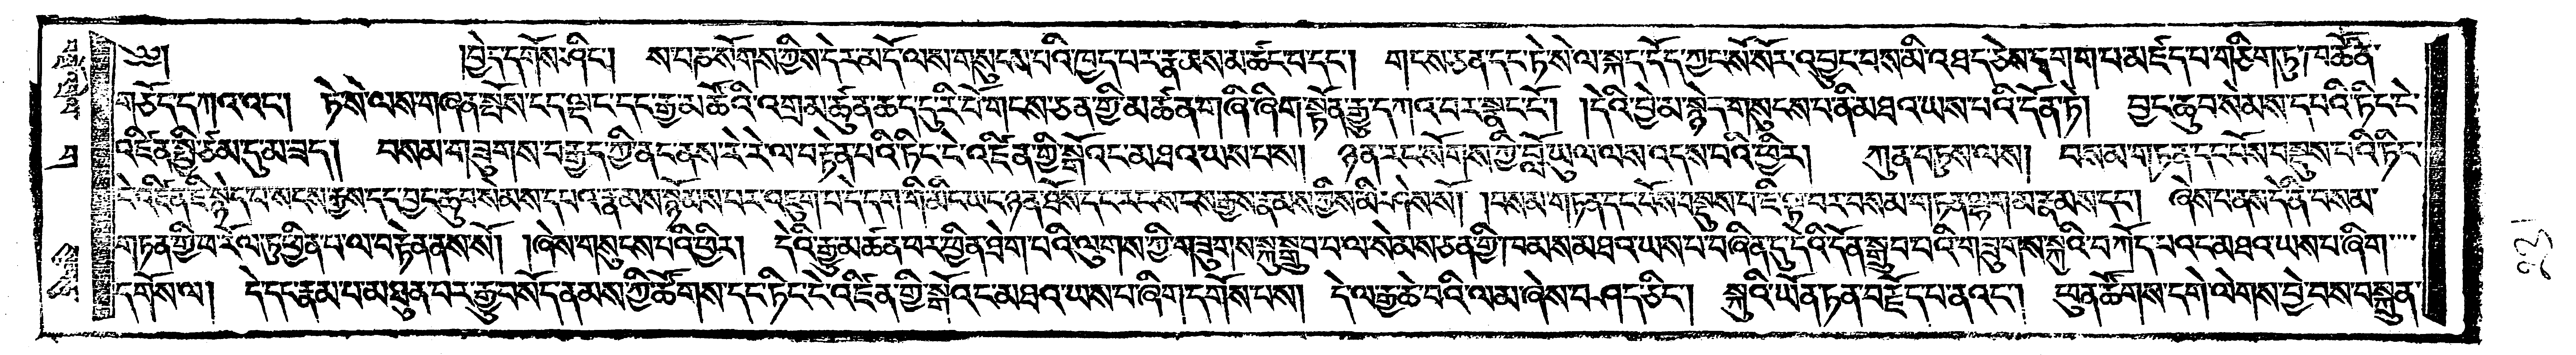༄༅། །བྱེད་དགོས་ཤིང་། ས་པཎ་སོགས་ཀྱིས་དེར་མདོ་ལས་གསུངས་པའི་ཁྱད་པར་རྣམས་མ་ཚང་བ་དང་། གངས་ཅན་དང་ཏེ་སེ་ལ་སྐད་དོད་ཀྱང་སོ་སོར་འབྱུང་བས་མི་འཐད་ཅེས་དགག་པ་མཛད་པ་གཅིག་ཏུ་ཁ་ཚོན་
གཅོད་དཀའ་འང་། ཏེ་སེ་ལས་གཞན་སྤོས་དང་ལྡང་དང་རྒྱ་མཚོའི་འགྲམ་ཚུན་ཆད་དུ་རི་བོ་གངས་ཅན་གྱི་མཚན་གཞི་ཞིག་སྟོན་རྒྱུ་དཀའ་བར་སྣང་ངོ། །དེའི་བྱེ་མ་སྙེད་གསུངས་པ་ནི་མཐའ་ཡས་པའི་དོན་ཏེ། བྱང་ཆུབ་སེམས་དཔའི་ཏིང་ངེ་
འཛིན་སྤྱི་ཙམ་དུ་མ་ཟད། བསམ་གཟུགས་བརྒྱད་ཀྱི་ནང་ནས་རེ་རེ་ལ་བརྟེན་པའི་ཏིང་ངེ་འཛིན་གྱི་སྒོའང་མཐའ་ཡས་པས། ཉན་རང་སོགས་ཀྱི་བློ་ཡུལ་ལས་འདས་པའི་ཕྱིར། ཀུན་བཏུས་ལས། བསམ་གཏན་དང་པོས་བསྡུས་པའི་ཏིང་
ངེ་འཛིན་ཇི་སྙེད་པ་སངས་རྒྱས་དང་བྱང་ཆུབ་སེམས་དཔའ་རྣམས་སྙོམས་པར་འཇུག་པ་དེ་དག་གི་མིང་ཡང་ཉན་ཐོས་དང་རང་སངས་རྒྱས་རྣམས་ཀྱིས་མི་ཤེས་སོ། །བསམ་གཏན་དང་པོས་བསྡུས་པ་ཇི་ལྟ་བར་བསམ་གཏན་ལྷག་མ་རྣམས་དང་། ཞེས་པ་ནས་དེ་ནི་བསམ་
གཏན་གྱི་ཕ་རོལ་ཏུ་ཕྱིན་པ་ལ་བརྟེན་ནས་སོ། །ཞེས་གསུངས་པའི་ཕྱིར། དེའི་རྒྱུ་མཚན་པར་ཕྱིན་ཐེག་པའི་ལུགས་ཀྱི་གཟུགས་སྐུ་སྒྲུབ་པ་ལ་སེམས་ཅན་གྱི་ཁམས་མཐའ་ཡས་པ་བཞིན་དུ་དེའི་དོན་སྒྲུབ་པའི་གཟུགས་སྐུའི་བཀོད་པའང་མཐའ་ཡས་བ་ཞིག་
དགོས་ལ། དེ་དང་རྣམ་པ་མཐུན་པ་མཐུན་པར་རྒྱུ་བསོད་ནམས་དང་ཏིང་ངེ་འཛིན་གྱི་སྒོའང་མཐའ་ཡས་བ་ཞིག་དགོས་པས། དེ་ལ་རྒྱ་ཆེ་བའི་ལམ་ཞེས་བཤད་ཅིང་། སྐུའི་ཡོན་ཏན་བརྗོད་པ་ནའང་། ཕུན་ཚོགས་དགེ་ལེགས་བྱེ་བས་བསྐྲུན་